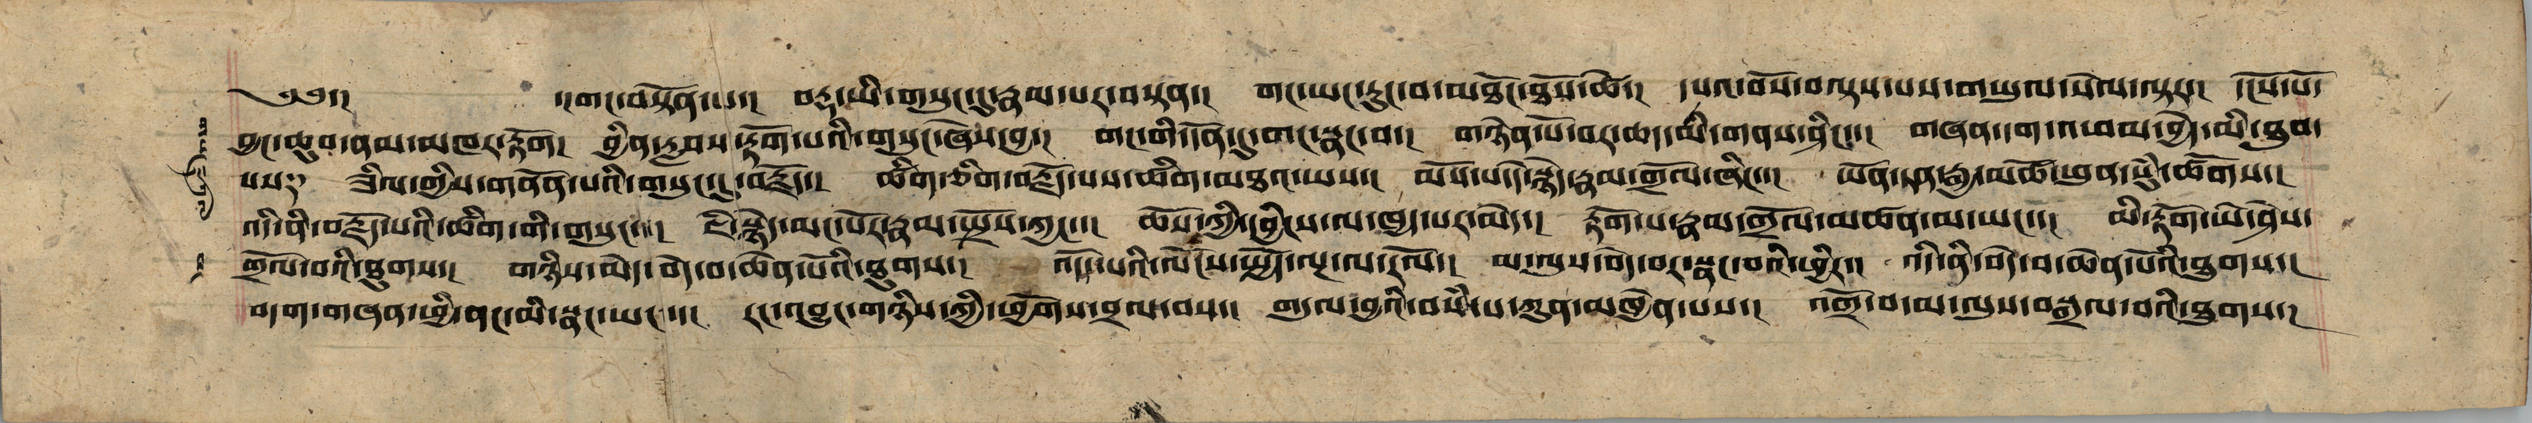༄༅་། ་།གང་བསྟོན་པ་། བརྡ་ཡི་གསུང་དུ་རྣམ་པར་བསྟན་། གང་ཡང་རུང་བ་མཐོང་ཐོས་ཚེ་། དཔའ་བོས་བལྟས་པས་གཡུལ་སེལ་ལྟར་། དངོས་པོ་
བྱང་ཆུབ་ནམ་མཁར་རྟོག། བྱིན་རླབས་རྟོག་པའི་གསུང་ཞེས་བྱ་། གང་གི་དོན་དུ་གང་སྣང་བ་། གཉེན་པོ་བར་ཆད་མི་གནས་ཤིང་་། གཞན་དག་འཕམ་བྱེད་མི་ཐུབ་
པས༑ ཟིལ་གྱིས་གནོན་པའི་གསུང་དུ་བརྗོད་། ཚིག་ཅིག་བརྗོད་པས་ཚིག་མཐའ་ཡས་། མོས་པ་དེ་སྙེད་རྣམ་གྲོལ་ཞིང་་། ཡོན་ཏན་རྒྱ་མཚོ་ཕུན་སུཾ་ཚོགས་།
འདི་ནི་བརྗོད་པའི་ཚིག་གི་གསུང་་། ཇི་སྙེད་མང་པོར་རྣམ་སྤྲོས་ཀྱང་་། ཆོས་ཀྱི་དབྱིངས་ལ་ཁྱད་པར་མེད་། རྟོག་པ་རྣམ་གྲོལ་མཚན་མ་ཡང་་། མི་རྟོག་ཡེ་ཤེས་
གྲོལ་བའི་ཐུགས་། གཉིས་མེད་བདེ་བ་ཆེན་པོའི་ཐུགས་། འདོད་པའི་ལོངས་སྤྱོད་ལྔ་ལ་རོལ་། མ་ལུས་བདེ་བར་སྣང་བའི་ཕྱིར་། འདི་ནི་བདེ་བ་ཆེན་པོའི་ཐུགས་།
བདག་གཞན་ཕྱི་ནང་མི་སྣང་ཡང་་། རང་འབྱུང་གཉིས་ཀྱི་ཕྱོགས་བྲལ་བས་། གདུལ་བྱའི་བསཾ་པ་ཀུན་མཁྱེན་པས་། འགྲོ་བ་མ་ལུས་བསྒྲལ་བའི་ཐུགས་།